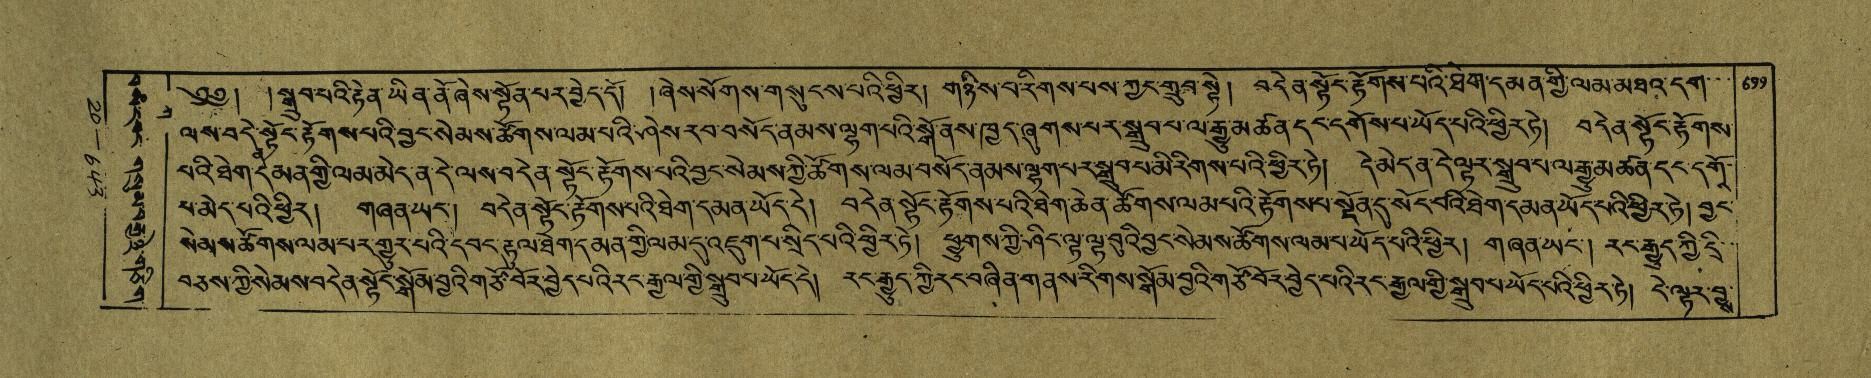༄༅། །སྒྲུབ་པའི་རྟེན་ཡིན་ནོ་ཞེས་སྟོན་པར་བྱེད་དོ། །ཞེས་སོགས་གསུངས་པའི་ཕྱིར། གཉིས་པ་རིགས་པས་ཀྱང་གྲུབ་སྟེ། བདེན་སྟོང་རྟོགས་པའི་ཐེག་དམན་གྱི་ལམ་མཐའ་དག་
ལས་བདེ་སྟོང་རྟོགས་པའི་བྱང་སེམས་ཚོགས་ལམ་པའི་ཤེས་རབ་བསོད་ནམས་ལྷག་པའི་སྒོ་ནས་ཁྱད་ཞུགས་པར་སྒྲུབ་པ་ལ་རྒྱུ་མཚན་དང་དགོས་པ་ཡོད་པའི་ཕྱིར་ཏེ། བདེན་སྟོང་རྟོགས་
པའི་ཐེག་དམན་གྱི་ལམ་མེད་ན་དེ་ལས་བདེན་སྟོང་རྟོགས་པའི་བྱང་སེམས་ཀྱི་ཚོགས་ལམ་བསོད་ནམས་ལྷག་པར་སྒྲུབ་པ་མི་རིགས་པའི་ཕྱིར་ཏེ། དེ་མེད་ན་དེ་ལྟར་སྒྲུབ་པ་ལ་རྒྱུ་མཚན་དང་དགོས་
པ་མེད་པའི་ཕྱིར། གཞན་ཡང་། བདེན་སྟོང་རྟོགས་པའི་ཐེག་དམན་ཡོད་དེ། བདེན་སྟོང་རྟོགས་པའི་ཐེག་ཆེན་ཚོགས་ལམ་པའི་རྟོགས་པ་སྔོན་དུ་སོང་བའི་ཐེག་དམན་ཡོད་པའི་ཕྱིར་ཏེ། བྱང་
སེམས་ཚོགས་ལམ་པར་གྱུར་པའི་དབང་རྟུལ་ཐེག་དམན་གྱི་ལམ་དུ་འཇུག་པ་སྲིད་པའི་ཕྱིར་ཏེ། ཕྱུགས་ཀྱི་ཤིང་ལྟ་ལྟ་བུའི་བྱང་སེམས་ཚོགས་ལམ་པ་ཡོད་པའི་ཕྱིར། གཞན་ཡང་། རང་རྒྱུད་ཀྱི་དྲི་
བཅས་ཀྱི་སེམས་བདེན་སྟོང་སྒོམ་བྱའི་གཙོ་བོར་བྱེད་པའི་རང་རྒྱལ་གྱི་སྒྲུབ་པ་ཡོད་དེ། རང་རྒྱུད་ཀྱི་རང་བཞིན་གནས་རིགས་སྒོམ་བྱའི་གཙོ་བོར་བྱེད་པའི་རང་རྒྱལ་གྱི་སྒྲུབ་པ་ཡོད་པའི་ཕྱིར་ཏེ། དེ་ལྟར་བྱས་